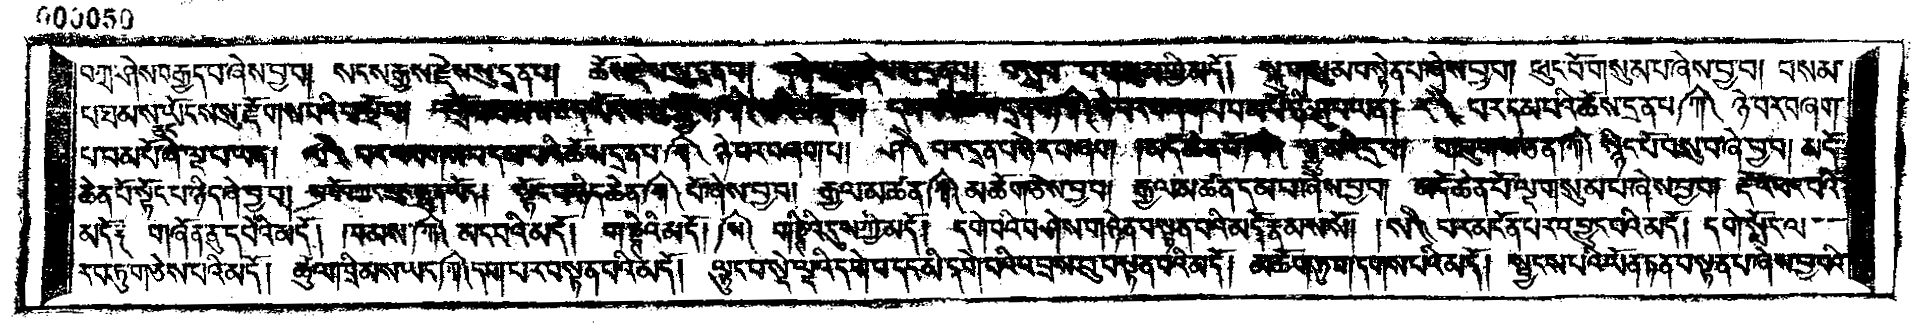བཀྲ་ཤེས་བརྒྱད་པ་ཞེས་བྱ་བ། སངས་རྒྱས་རྗེས་སུ་དྲན་པ། ཆོས་རྗེས་སུ་དྲན་པ། དགེ་འདུན་རྗེས་སུ་དྲན་པ། བསླབ་པ་གསུམ་གྱི་མདོ། སྐུ་གསུམ་བསྟེན་པ་ཞེས་བྱ་བ། ཕུང་པོ་གསུམ་པ་ཞེས་བྱ་བ། བསམ་
པ་ཐམས་ཅད་ཡོངས་སུ་རྫོགས་པའི་བསྔོ་བ། འགྲོ་བ་ཐམས་ཅད་ཡོངས་སུ་སྐྱོབ ༼ཀ༽ པའི་བསྔོ་བ། དམ་པའི་ཆོས་དྲན་པ ༼ཀ༽ ཉེ་བར་བཞག་པ་བམ་པོ་ཉི་ཤུ་པ་ཡན། ར༼༽ པར་དམ་པའི་ཆོས་དྲན་པ ༼ཀ༽ ཉེ་བར་བཞག་
པ་བམ་པོ་ཞེ་ལྔ་པ་ཡན། ལ༼༽ པར་འཕགས་པ་དམ་པའི་ཆོས་དྲན་པ ༼ཀ༽ ཉེ་བར་བཞག་པ། ཤ༼༽ པར་དྲན་པ་ཉེར་བཞག །མདོ་ཆེན་པོ ༼ཀ༽ སྒྱུ་མའི་དྲ་བ། གཟུགས་ཅན ༼ཀ༽ སྙིང་པོ་བསུ་བ་ཞེ་བྱ་བ། མདོ་
ཆེན་པོ་སྟོང་པ་ཉིད་ཞེ་བྱ་བ་མ་ཐོབ་ཀྱང་ལུང་རྒྱུན་ཡོད།  སྟོང་པ་ཉིད་ཆེན ༼ཀ༽ པོ་ཞེས་བྱ་བ། རྒྱལ་མཚན ༼ཀ༽ མཆོག་ཅེས་བྱ་བ། རྒྱལ་མཚན་དམ་པ་ཞེས་བྱ་བ། མདོ་ཆེན་པོ་ལྔ་གསུམ་པ་ཞེས་བྱ་བ། རྡོ་འཕང་བའི་
མདོ༑ གཞོན་ནུ་དཔེའི་མདོ། ཁམས ༼ཀ༽ མང་བའི་མདོ། གཎྚིའི་མདོ། ༼ས༽ གཎྚིའི་དུས་ཀྱི་མདོ། དགེ་བའི་བཤེས་གཉེན་བསྟན་པའི་མདོ་རྣམས་སོ། །ས༼༽ པར་མངོན་པར་འབྱུང་བའི་མདོ། དགེ་སློང་ལ་
རབ་ཏུ་གཅེས་པའི་མདོ། ཚུལ་ཁྲིམས་ཡང ༼ཀ༽ དག་པར་བསྟན་པའི་མདོ། ལྟུང་བ་སྡེ་ལྔའི་དགེ་བ་དང་མི་དགེ་བའི་འབྲས་བུ་བསྟན་པའི་མདོ། མཆོག་ཏུ་གདགས་པའི་མདོ། སྦྱངས་པའི་ཡོན་ཏན་བསྟན་པ་ཞེས་བྱ་བའི་